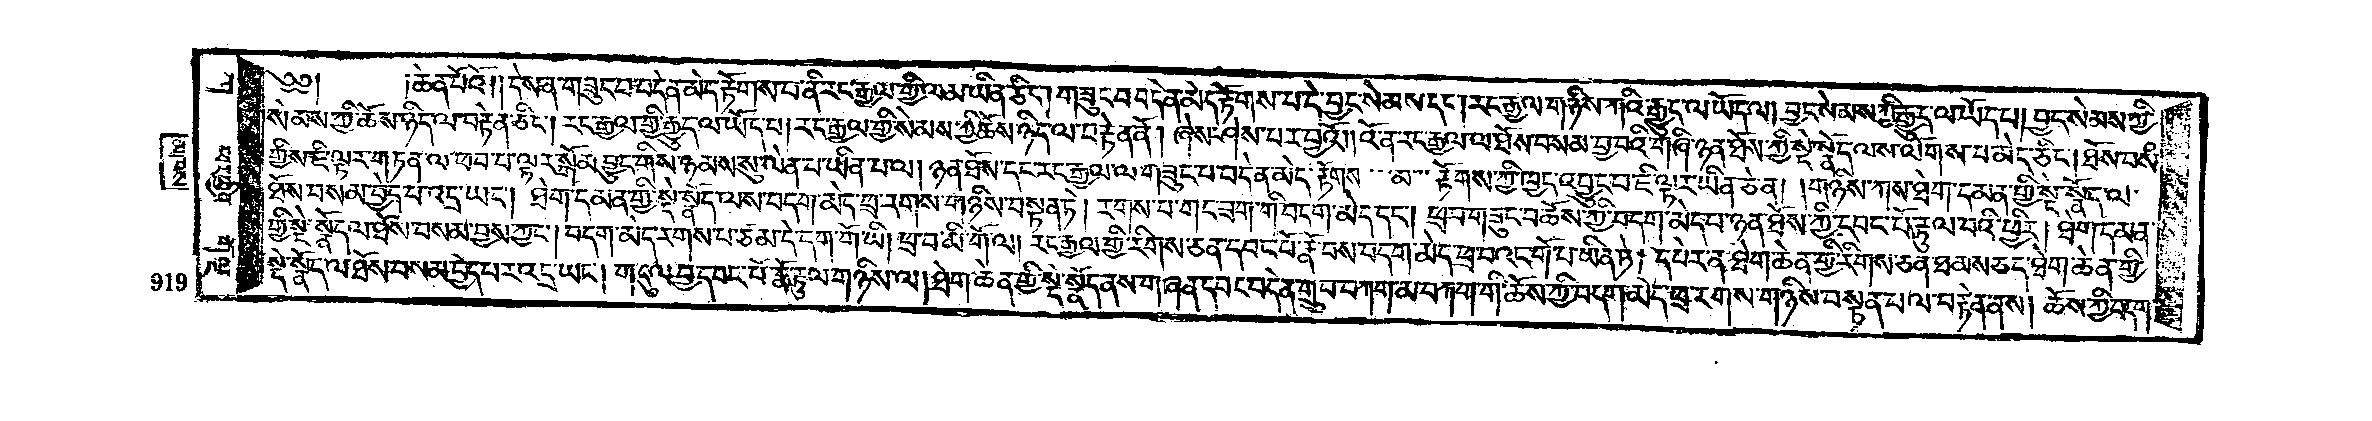༄༅། །ཆེན་པོའོ། །དེས་ན་གཟུང་བ་བདེན་མེད་རྟོགས་པ་ནི་རང་རྒྱལ་གྱི་ལམ་ཡིན་ཅིང་། གཟུང་བ་བདེན་མེད་རྟོགས་པ་དེ་བྱང་སེམས་དང་། རང་རྒྱལ་གཉིས་ཀའི་རྒྱུད་ལ་ཡོད་ལ། བྱང་སེམས་ཀྱི་རྒྱུད་ལ་ཡོད་པ། བྱང་སེམས་ཀྱི་
སེམས་ཀྱི་ཆོས་ཉིད་ལ་བརྟེན་ཅིང་། རང་རྒྱལ་གྱི་རྒྱུད་ལ་ཡོད་པ། རང་རྒྱལ་གྱི་སེམས་ཀྱི་ཆོས་ཉིད་ལ་བརྟེན་ནོ། ཞེས་ཤེས་པར་བྱའོ། །འོ་ན་རང་རྒྱལ་ལ་ཐོས་བསམ་བྱ་བའི་གཞི་ཉན་ཐོས་ཀྱི་སྡེ་སྣོད་ལས་ལོགས་པ་མེད་ཅིང་། ཐོས་བསམ་
གྱིས་ཇི་ལྟར་གཏན་ལ་ཕབ་པ་ལྟར་སྒོམ་བྱུང་གིས་ཉམས་སུ་ལེན་པ་ཡིན་པ་ལ། ཉན་ཐོས་དང་རང་རྒྱལ་ལ་གཟུང་བ་བདེན་མེད་རྟོགས་མ་རྟོགས་ཀྱི་ཁྱད་འབྱུང་བ་ཇི་ལྟར་ཡིན་ཅེ་ན། །གཉིས་ཀས་ཐེག་དམན་གྱི་སྡེ་སྣོད་ལ་
ཐོས་བསམ་བྱེད་པ་འདྲ་ཡང་། ཐེག་དམན་གྱི་སྡེ་སྣོད་ལས་བདག་མེད་ཕྲ་རགས་གཉིས་བསྟན་ཏེ། རགས་པ་གང་ཟག་གི་བདག་མེད་དང་། ཕྲ་བ་གཟུང་བ་ཆོས་ཀྱི་བདག་མེད་པ་ཉན་ཐོས་ཀྱི་དབང་པོ་རྟུལ་བའི་ཕྱིར། ཐེག་དམན་
གྱི་སྡེ་སྣོད་ལ་ཐོས་བསམ་བྱས་ཀྱང་། བདག་མེད་རགས་པ་ཙམ་དེ་དག་གོ་ཡི། ཕྲ་བ་མི་གོ་ལ། རང་རྒྱལ་གྱི་རིགས་ཅན་དབང་པོ་རྣོ་བས་བདག་མེད་ཕྲ་བའང་གོ་བ་ཡིན་ཏེ། དཔེར་ན་ཐེག་ཆེན་གྱི་རིགས་ཅན་ཐམས་ཅད་ཐེག་ཆེན་གྱི་
སྡེ་སྣོད་ལ་ཐོས་བསམ་བྱེད་པར་འདྲ་ཡང་། གདུལ་བྱ་དབང་པོ་རྣོ་རྟུལ་གཉིས་ལ། ཐེག་ཆེན་གྱི་སྡེ་སྣོད་ནས་གཞན་དབང་བདེན་གྲུབ་བཀག་མ་བཀག་གི་ཆོས་ཀྱི་བདག་མེད་ཕྲ་རགས་གཉིས་བསྟན་པ་ལ་བརྟེན་ནས། ཆོས་ཀྱི་བདག་